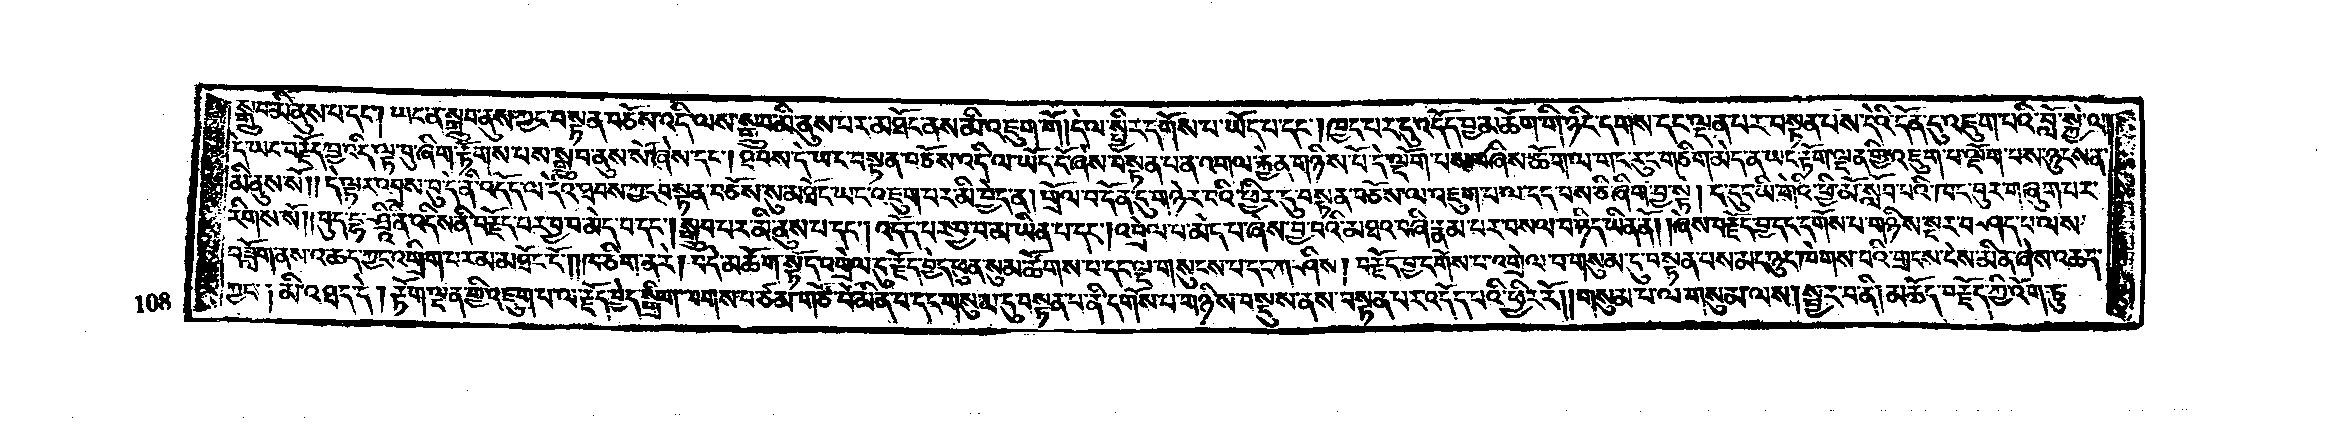སྒྲུབ་མི་ནུས་པ་དང་། ཡང་ན་སྒྲུབ་ནུས་ཀྱང་བསྟན་བཅོས་འདི་ལས་སྒྲུབ་མི་ནུས་པར་མཐོང་ནས་མི་འཇུག་གོ །དེ་ལ་སྤྱིར་དགོས་པ་ཡོད་པ་དང་། ཁྱད་པར་དུ་འདོད་བྱ་མཆོག་གི་ཉིང་དགོས་དང་ལྡན་པར་བསྟན་པས་དེའི་དོན་དུ་འཇུག་པའི་བློ་སྐྱེ་ལ།
དེ་ཡང་བརྗོད་བྱ་འདི་ལྟ་བུ་ཞིག་རྟོགས་པས་སྒྲུབ་ནུས་སོ་ཞེས་དང་། ཐབས་དེ་ཡང་བསྟན་བཅོས་འདི་ལ་ཡོད་དོ་ཞེས་བསྟན་པ་ན་འགལ་རྐྱེན་གཉིས་པོ་དེ་ལྡོག་པས་བཞིས་ཆོག་ལ་གང་རུང་གཅིག་མེད་ན་ཡང་རྟོག་ལྡན་གྱི་འཇུག་པ་ལྡོག་པས་ཉུངས་ན་
མི་ནུས་སོ། །དེ་ལྟར་འབྲས་བུ་དེ་ནི་འདོད་ལ་དེའི་ཐབས་ཀྱང་བསྟན་བཅོས་སུ་མཐོང་ཡང་འཇུག་པར་མི་བྱེད་ན། གྲོལ་བ་དོན་དུ་གཉེར་བའི་ཕྱིར་དུ་བསྟན་བཅོས་ལ་འཇུག་པ་ལ་དད་པས་ཅི་ཞིག་བྱ་སྟེ། ད་དུང་ཡི་གེའི་ཕྱི་མོ་སློབ་པའི་ཁང་བུར་གཞུག་པར་
རིགས་སོ། །བུད་དྷ་ཤྲཱི་ནི་འདིས་ནི་བརྗོད་པར་བྱ་བ་མེད་པ་དང་། སྒྲུབ་པར་མི་ནྶུ་པ་དང་། འདོད་པར་བྱ་བ་མ་ཡིན་པ་དང་། འབྲེལ་བ་མེད་པ་ཞེས་བྱ་བའི་མཐའ་བཞི་རྣམ་པར་བསལ་བ་ཉིད་ཡིན་ནོ། །ཞེས་བརྗོད་བྱ་དང་དགོས་པ་གཉིས་སྔར་བཤད་པ་ལས་
བཟློག་ནས་འཆད་ཀྱང་འགྲིག་པར་མ་མཐོང་ངོ། །ཁ་ཅིག་ན་རེ། བདེ་མཆོག་སྟོད་འགྲེལ་དུ་རྗོད་བྱེད་ཕུན་སུམ་ཚོགས་པ་དང་ལྔ་གསུངས་པ་དང་ཀ་ཤིས། བརྗོད་བྱ་དགོས་པ་འགྲེལ་པ་གསུམ་དུ་བསྟན་པས་མང་ཉུང་ཁེགས་པའི་གྲངས་ངེས་མིན་ཞེས་འཆད་
ཀྱང་། མི་འཐད་དེ། རྟོག་ལྡན་གྱི་འཇུག་པ་ལ་རྗོད་བྱེད་སྒྲིག་ལགས་པ་ཙམ་གཙོ་བོ་མིན་པ་དང་གསུམ་དུ་བསྟན་པ་ནི་དགོས་པ་གཉིས་བསྡུས་ནས་བསྟན་པར་འདོད་པའི་ཕྱིར་རོ། །གསུམ་པ་ལ་གསུམ་ལས། སྦྱར་བ་ནི། མཆོད་བརྗོད་ཀྱི་འོག་ཏུ་